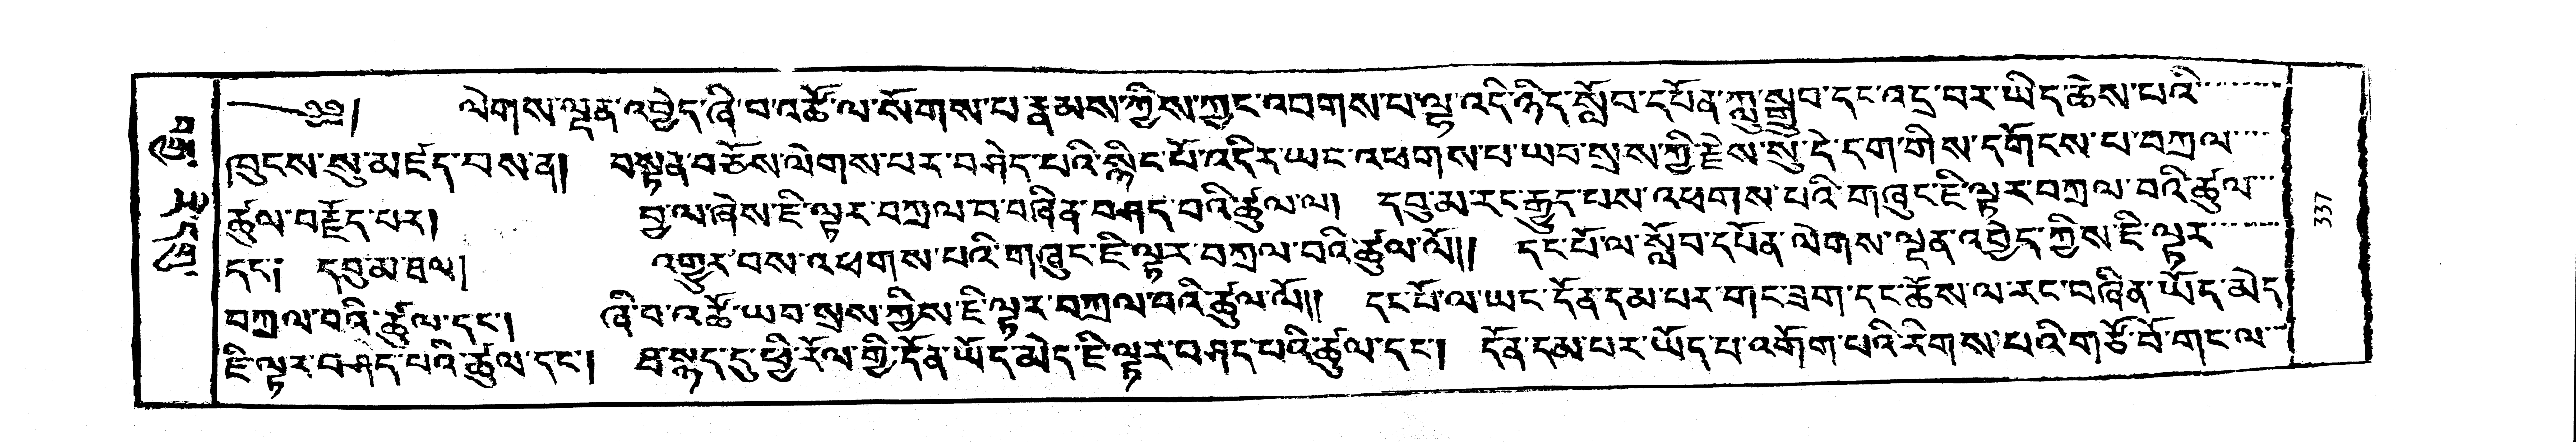༄༅། །ལེགས་ལྡན་འབྱེད་ཞི་བ་འཚོ་ལ་སོགས་པ་རྣམས་ཀྱིས་ཀྱང་འབགས་པ་ལྷ་འདི་ཉིད་སློབ་དཔོན་ཀླུ་སྒྲུབ་དང་འདྲ་བར་ཡིད་ཆེས་པའི་
ཁུངས་སུ་མཛད་པས་ན། བསྟན་བཅོས་ལེགས་པར་བཤེད་པའི་སྙིང་པོ་འདིར་ཡང་འཕགས་པ་ཡབ་སྲས་ཀྱི་རྗེས་སུ་དེ་དག་གིས་དགོངས་པ་བཀྲལ་
ཚུལ་བརྗོད་པར། བྱ་ལ་ཞེས་ཇི་ལྟར་བཀྲལ་བ་བཞིན་བཤད་པའི་ཚུལ་ལ། དབུ་མ་རང་རྒྱུད་པས་འཕགས་པའི་གཞུང་ཇི་ལྟར་བཀྲལ་བའི་ཚུལ་
དང༑ དབུ་མ་ཐལ། འགྱུར་བས་འཕགས་པའི་གཞུང་ཇི་ལྟར་བཀྲལ་བའི་ཚུལ་ལོ། །དང་པོ་ལ་སློབ་དཔོན་ལེགས་ལྡན་འབྱེད་ཀྱིས་ཇི་ལྟར་
བཀྲལ་བའི་ཚུལ་དང་། ཞི་བ་འཚོ་ཡབ་སྲས་ཀྱིས་ཇི་ལྟར་བཀྲལ་བའི་ཚུལ་ལོ། །དང་པོ་ལ་ཡང་དོན་དམ་པར་གང་ཟག་དང་ཆོས་ལ་རང་བཞིན་ཡོད་མེད་
ཇི་ལྟར་བཤད་པའི་ཚུལ་དང་། ཐ་སྙད་དུ་ཕྱི་རོལ་གྱི་དོན་ཡོད་མེད་ཇི་ལྟར་བཤད་པའི་ཚུལ་དང་། དོན་དམ་པར་ཡོད་པ་འགོག་པའི་རིགས་པའི་གཙོ་བོ་གང་ལ་